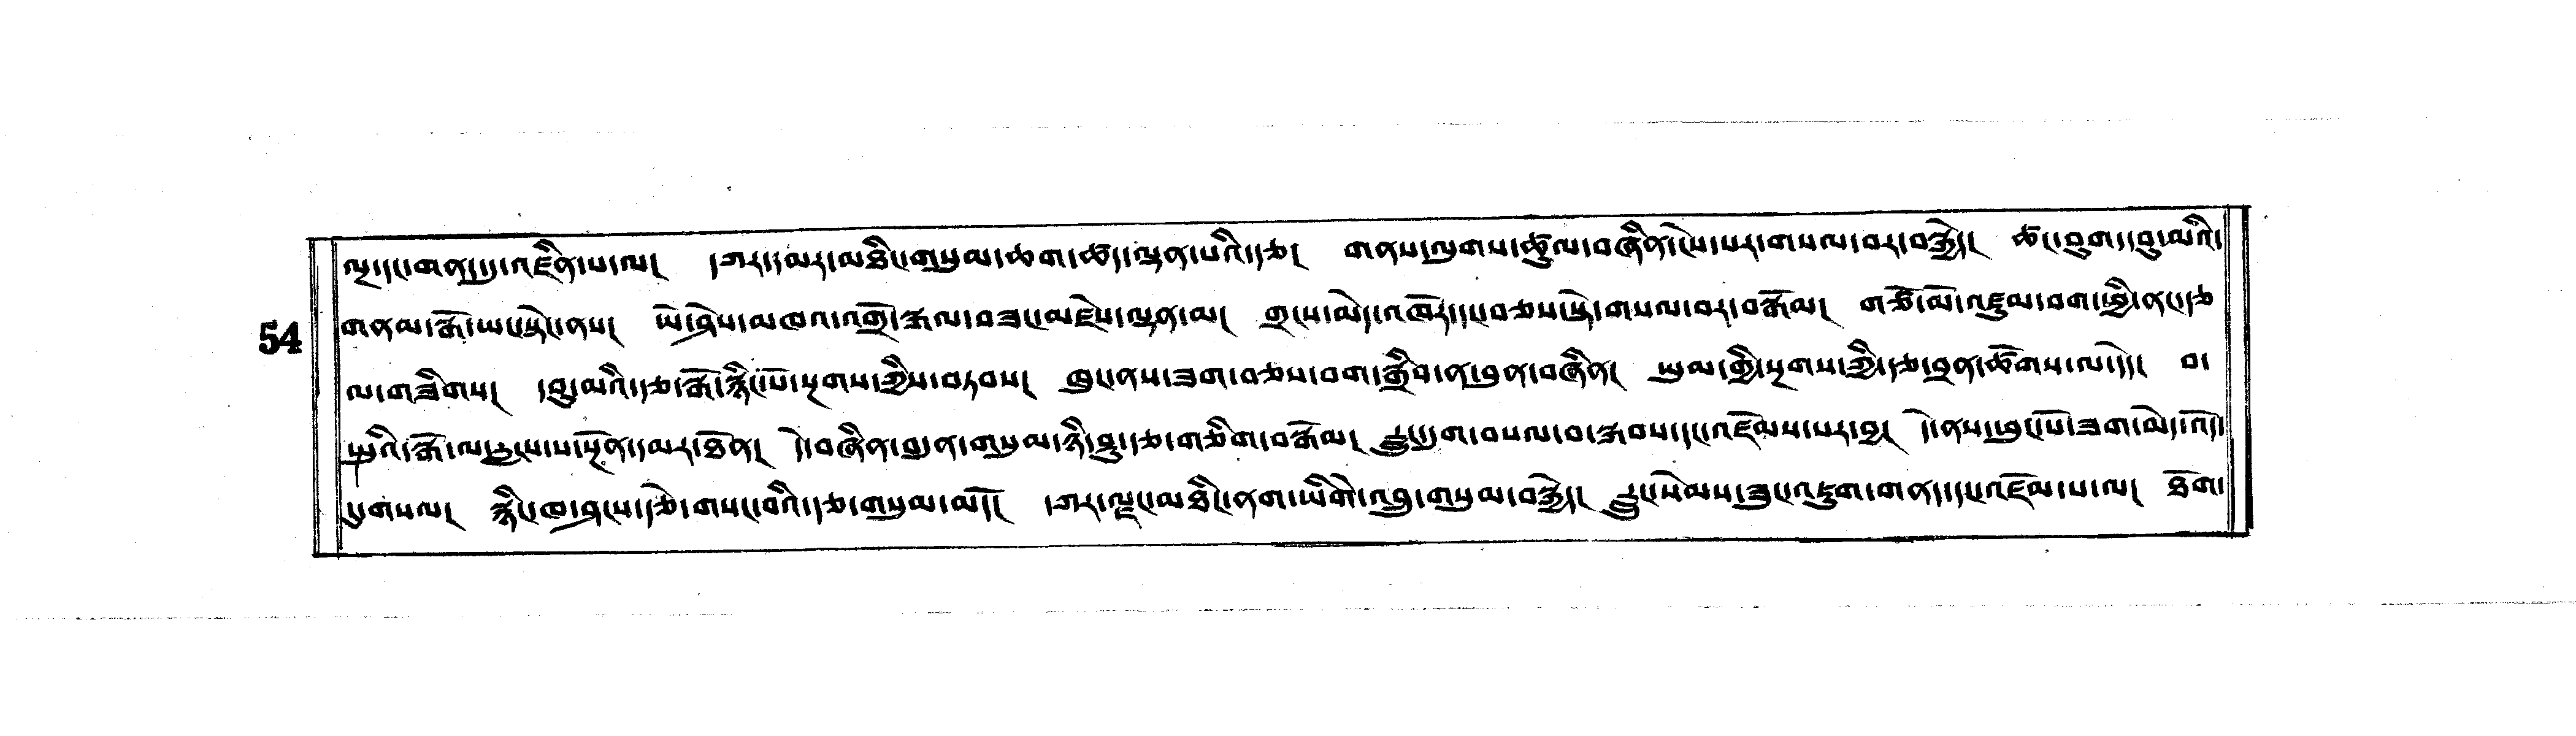ལྔ་དང་གནད་དུ་འཛིན་པ་ལ། དཀར་དམར་མཐིང་གསུམ་ཆག་ཚད་ལྡན་པའི་རྩ། གནས་ལུགས་ཚུལ་བཞིན་ངེས་པར་གསལ་བར་བསྐྱེད། ཚངས་བུག་དབུ་མའི་
གནམ་སྒོ་ཡང་སྟེང་ནས། ཡེ་ཤེས་མཁའ་འགྲོ་སྐལ་བཟང་མཛེས་ལྡན་མ། གྲངས་མེད་འཁོར་དང་བཅས་ཏེ་གསལ་བར་བསྒོམ། གཙོ་མོ་འཛུམ་བག་ཕྱི་ནང་རྩ་
ལ་གཟིགས། དབུ་མའི་རྩ་སྒོ་སྙིང་པོ་སྔགས་ཀྱིས་བཏབ། ཁུང་ནས་ཟག་བཅས་བག་སྒྲིབ་ན་བུན་བཞིན། ཡུམ་གྱི་སྔགས་ཀྱིས་རྩ་བྲན་ཚོགས་ལ་དེད། བ་
སྤུའི་སྒོ་ལ་རློན་པ་སྔོན་དམར་ཐོན། དེ་བཞིན་བདུན་གསུམ་ཉི་ཤུ་རྩ་གཅིག་བསྒོམ། རླུང་དུག་བསལ་བ་སྐབས་དང་འཛོམས་པར་བྱ། དེ་ནས་ཕུང་པོ་ཟག་མེད་འོད་
དུ་གསལ། སྙིང་ཁ་ཤངས་རྩེ་གསང་བའི་རྩ་གསུམ་མདོ། དཀར་ལྗང་མཐིང་ནག་ཡི་གེ་འབྲུ་གསུམ་བསྐྱེད། རླུང་སེམས་ཟུང་འཇུག་གནད་དང་འཛོམས་པ་ལ། ཐོག་